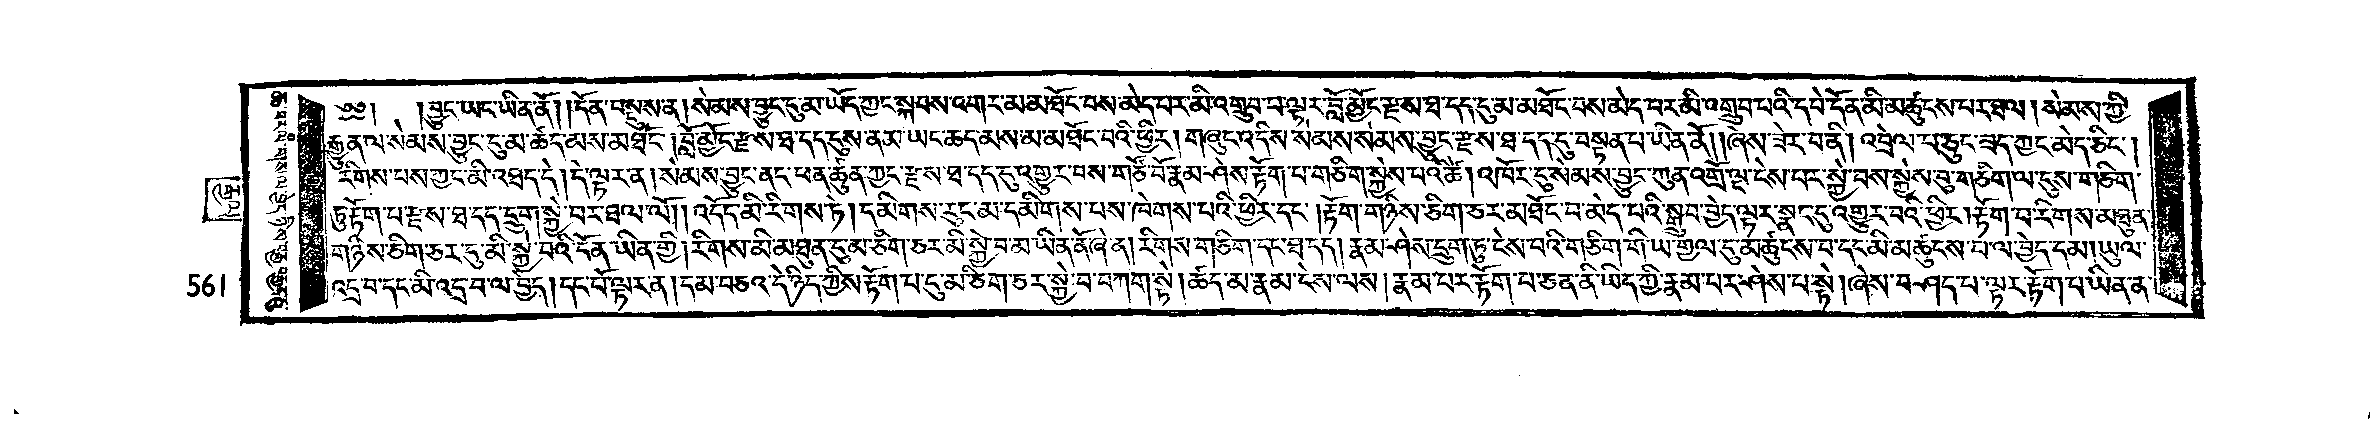༄༅། །བྱུང་ཡང་ཡིན་ནོ། །དོན་བསྡུས་ན། སེམས་བྱུང་དུ་མ་ཡོད་ཀྱང་སྐབས་འགར་མ་མཐོང་བས་མེད་པར་མི་འགྲུབ་པ་ལྟར་བློ་མྱོང་རྫས་ཐ་དད་དུ་མ་མཐོང་བས་མེད་པར་མི་འགྲུབ་པའི་དཔེ་དོན་མི་མཚུངས་པར་ཐལ། སེམས་ཀྱི་
རྒྱུན་ལ་སེམས་བྱུང་དུ་མ་ཚད་མས་མཐོང་། བློ་མྱོང་རྫས་ཐ་དད་དུས་ནམ་ཡང་ཚད་མས་མ་མཐོང་བའི་ཕྱིར། གཞུང་འདིས་སེམས་སེམས་བྱུང་རྫས་ཐ་དད་དུ་བསྟན་པ་ཡིན་ནོ། །ཞེས་ཟེར་བ་ནི། འབྲེལ་པ་ཅུང་ཟད་ཀྱང་མེད་ཅིང་།
རིགས་པས་ཀྱང་མི་འཐད་དེ། དེ་ལྟར་ན། སེམས་བྱུང་ནང་ཕན་ཚུན་ཀྱང་རྫས་ཐ་དད་དུ་འགྱུར་བས་གཙོ་བོ་རྣམ་ཤེས་རྟོག་པ་གཅིག་སྐྱེས་པའི་ཚེ། འཁོར་དུ་སེམས་བྱུང་ཀུན་འགྲོ་ལྔ་ངེས་པར་སྐྱེ་བས་སྐྱེས་བུ་གཅིག་ལ་དུས་གཅིག་
ཏུ་རྟོག་པ་རྫས་ཐ་དད་དྲུག་སྐྱེ་བར་ཐལ་ལོ། །འདོད་མི་རིགས་ཏེ། དམིགས་རུང་མ་དམིགས་པས་ཁེགས་པའི་ཕྱིར་དང་། རྟོག་གཉིས་ཅིག་ཅར་མཐོང་བ་མེད་པའི་སྒྲུབ་བྱེད་ལྟར་སྣང་དུ་འགྱུར་བའི་ཕྱིར། རྟོག་པ་རིགས་མཐུན་
གཉིས་ཅིག་ཅར་དུ་མི་སྐྱེ་བའི་དོན་ཡིན་གྱི། རིགས་མི་མཐུན་དུ་མ་ཅིག་ཅར་མི་སྐྱེ་བ་མ་ཡིན་ནོ་ཞེ་ན། རིགས་གཅིག་དང་ཐ་དད། རྣམ་ཤེས་དྲུག་ཏུ་ངེས་པའི་གཅིག་གི་ཡ་གྱལ་དུ་མཚུངས་བ་དང་མི་མཚུངས་པ་ལ་བྱེད་དམ། ཡུལ་
འདྲ་བ་དང་མི་འདྲ་བ་ལ་བྱེད། དང་པོ་ལྟར་ན། དམ་བཅའ་དེ་ཉིད་ཀྱིས་རྟོག་པ་དུ་མ་ཅིག་ཅར་སྐྱེ་བ་བཀག་སྟེ། ཚད་མ་རྣམ་ངེས་ལས། རྣམ་པར་རྟོག་པ་ཅན་ནི་ཡིད་ཀྱི་རྣམ་པར་ཤེས་པ་སྟེ། ཞེས་བཤད་པ་ལྟར་རྟོག་པ་ཡིན་ན་